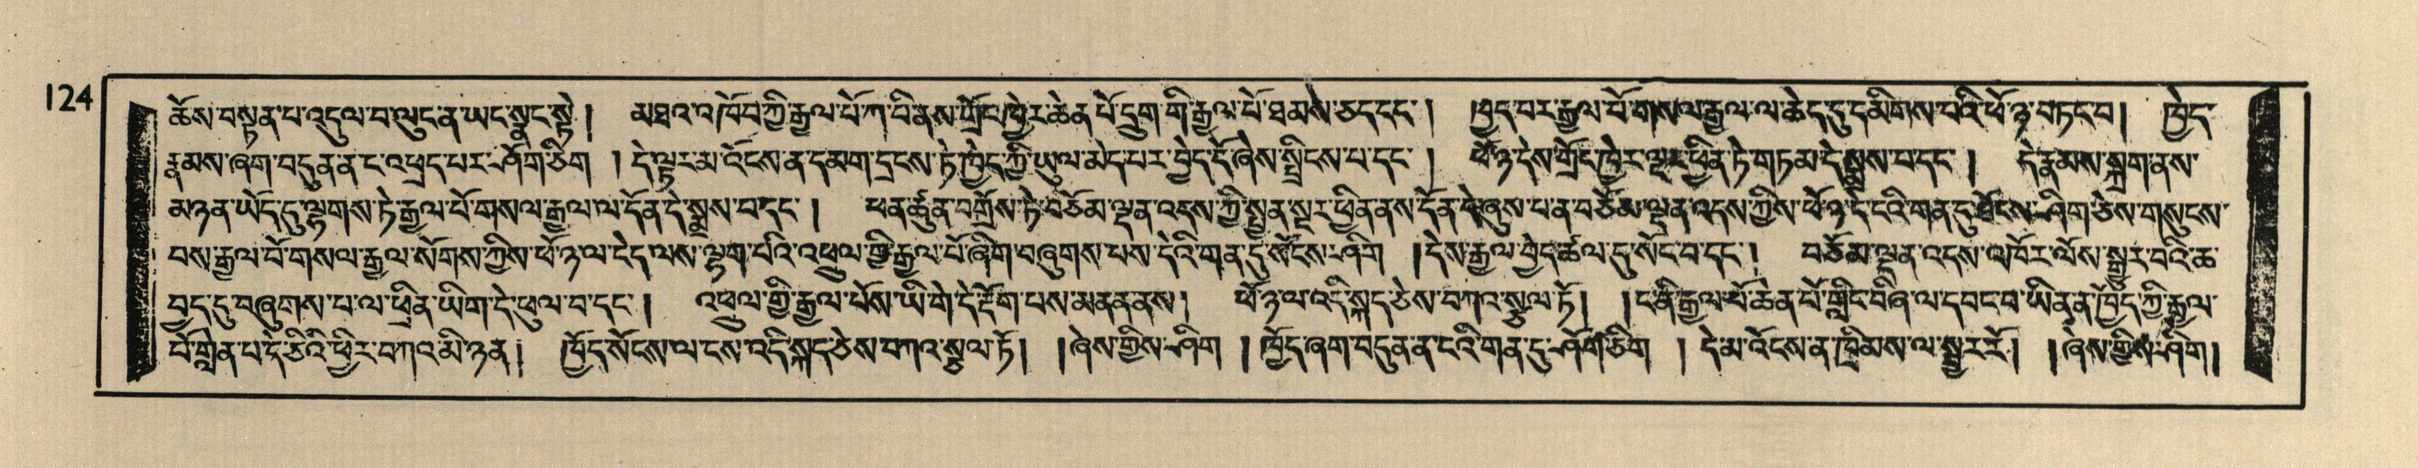ཆོས་བསྟན་པ་འདུལ་བ་ལུང་ན་ཡང་སྣང་སྟེ། མཐའ་འཁོབ་ཀྱི་རྒྱལ་པོ་ཀ་པི་ནས་གྲོང་ཁྱེར་ཆེན་པོ་དྲུག་གི་རྒྱལ་པོ་ཐམས་ཅད་དང་། ཁྱད་པར་རྒྱལ་པོ་གསལ་རྒྱལ་ལ་ཆེད་དུ་དམིགས་པའི་ཕོ་ཉ་བཏང་བ། ཁྱེད་
རྣམས་ཞག་བདུན་ན་ང་འཕྲད་པར་ཤོག་ཅིག །དེ་ལྟར་མ་འོངས་ན་དམག་དྲངས་ཏེ་ཁྱེད་ཀྱི་ཡུལ་མེད་པར་བྱེད་དོ་ཞེས་སྤྲིངས་པ་དང་། ཕོ་ཉ་དེས་གྲོང་ཁྱེར་ལྡང་ཕྱིན་ཏེ་གཏམ་དེ་སྨྲས་པ་དང་། དེ་རྣམས་སྐྲག་ནས་
མཉན་ཡོད་དུ་ལྷགས་ཏེ་རྒྱལ་པོ་གསལ་རྒྱལ་ལ་དོན་དེ་སྨྲས་བ་དང་། ཕན་ཚུན་བགྲོས་ཏེ་བཅོམ་ལྡན་འདས་ཀྱི་སྤྱན་སྔར་ཕྱིན་ནས་དོན་དེ་ཞུས་པ་ན་བཅོམ་ལྡན་འདས་ཀྱིས་ཕོ་ཉ་དེ་ངའི་གན་དུ་ཐོངས་ཤིག་ཅེས་གསུངས་
བས་རྒྱལ་པོ་གསལ་རྒྱལ་སོགས་ཀྱིས་ཕོ་ཉལ་ངེད་ལས་ལྷག་པའི་འཕྲུལ་གྱི་རྒྱལ་པོ་ཞིག་བཞུགས་པས་དེའི་གན་དུ་སོངས་ཤིག །དེས་རྒྱལ་བྱེད་ཚལ་དུ་སོང་བ་དང་། བཅོམ་ལྡན་འདས་འཁོར་ལོས་སྒྱུར་བའི་ཆ་
བྱད་དུ་བཞུགས་པ་ལ་ཕྲིན་ཡིག་དེ་ཕུལ་བ་དང་། འཕྲུལ་གྱི་རྒྱལ་པོས་ཡི་གེ་དེ་རྡོག་པས་མནན་ནས། ཕོ་ཉ་ལ་འདི་སྐད་ཅེས་བཀའ་སྩལ་ཏོ། །ང་ནི་རྒྱལ་པོ་ཆེན་པོ་གླིང་བཞི་ལ་དབང་བ་ཡིན་ནོ་ཁྱོད་ཀྱི་རྒྱལ་
པོ་གླེན་པ་དེ་ཅིའི་ཕྱིར་བཀའ་མི་ཉན། ཁྱོད་སོངས་ལ་ངས་འདི་སྐད་ཅེས་བཀའ་སྩལ་ཏོ། །ཞེས་གྱིས་ཤིག །ཁྱོད་ཞག་བདུན་ན་ངའི་གན་དུ་ཤོག་ཅིག །དེ་མ་འོངས་ན་ཁྲིམས་ལ་སྦྱར་རོ། །ཞེས་གྱིས་ཤིག།